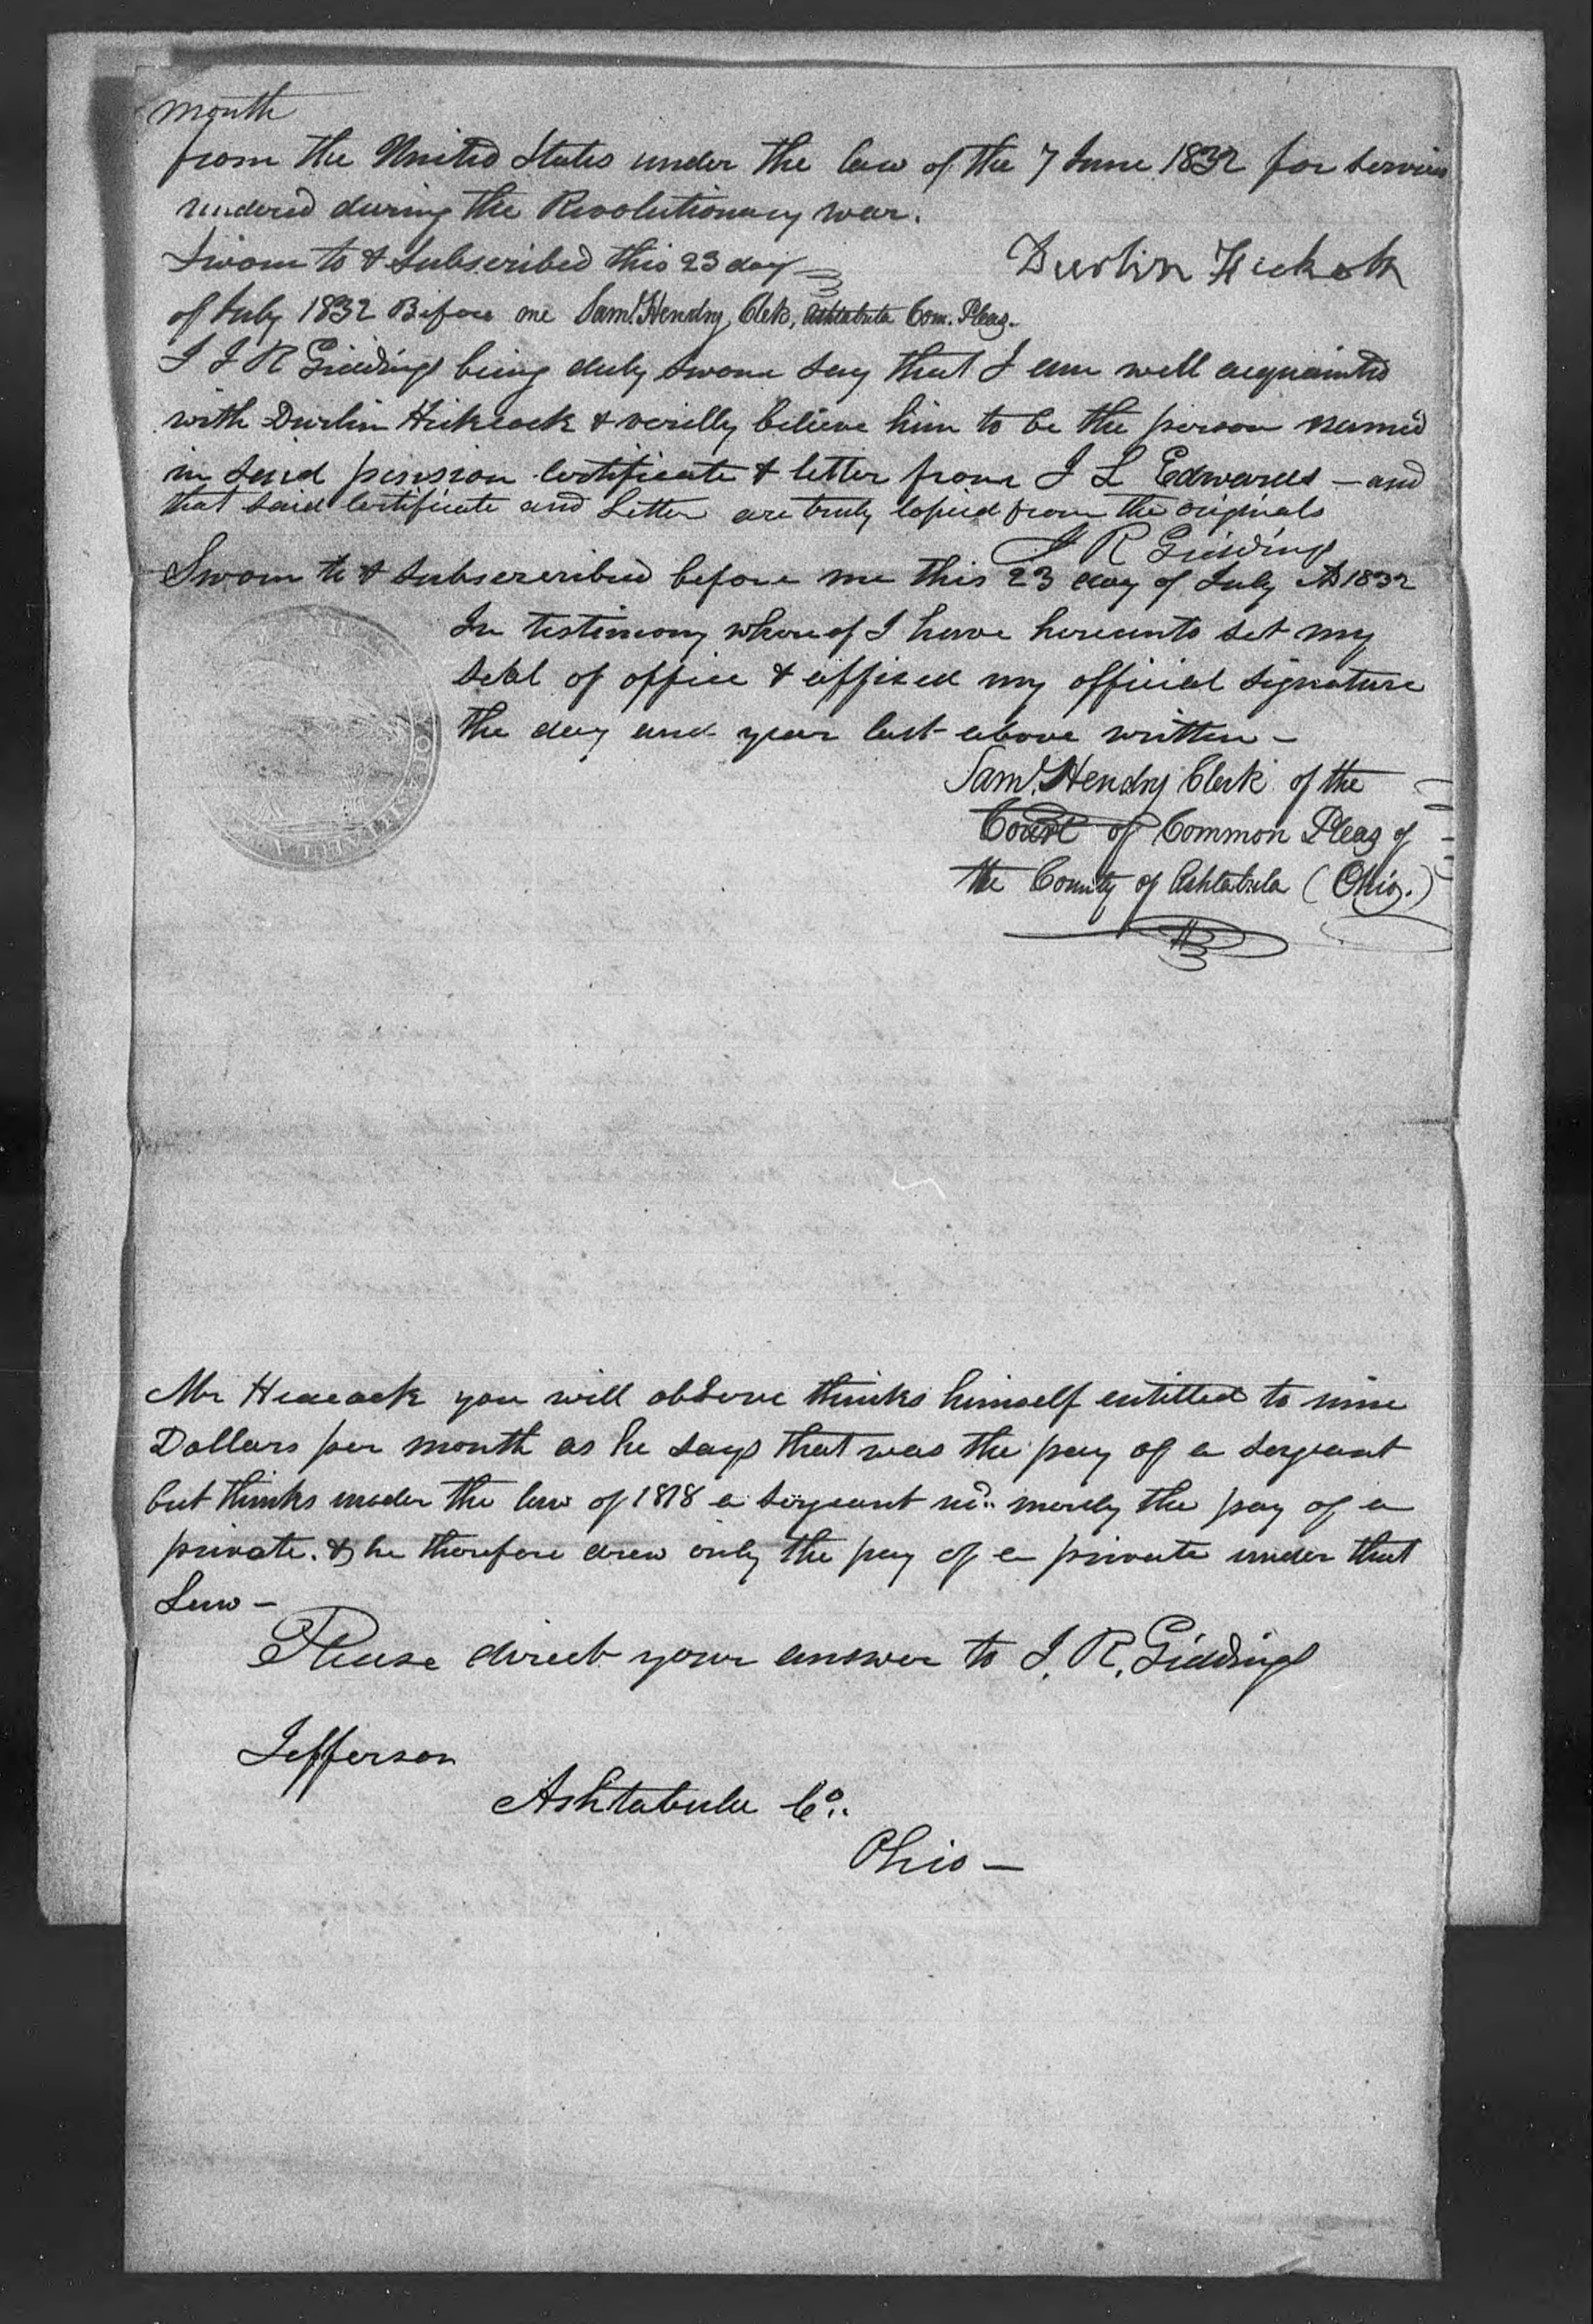month
from the United States under the law of the 7 June 1832 for service
rendered during the Revolutionary war.

Sworn to & subscribed this 23 day                           Durbin Hickok
of July 1832 Before one Saml. Hendry Clerk,               (signature)
Ashtabula Com. Pleas.

I  J R Giddings being duly sworn say that I am well acquainted
with Durbin Hickok & (illegible) believe him to be the person named
in said pension certificate & letter from J L Edwards--and
that said certificate and Letter are truly copied from the original.
                                                            J R Griddings

Sworn to & subscribed before me this 23 day of July AD 1832
                                       In testimony whereof I have hereunto set my
(seal  here)                      seal of office & affixed my official signature         
                                       the day and year last above written--
                                                                Saml. Hendry Clerk of the
                                                                Court of Common Pleas of
                                                                the County of Ashtabula Ohio 


Mr Hincock (noted incorrect name) you will observe thinks himself entitled 
to nine Dollars per month as he says that was the pay of a Sargeant but 
thinks under the law of 1818 a Sargeant rec'd mostly the pay of a private
& he therefore drew only the pay of a private under that law.
Please direct your answer to J R Gradings

Jefferson        Ashtabula Co  Ohio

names: J R Giddings, J R Giddings, Durlin Hickok, J L Edwards, J R Giddings, Durlin Hickcock, Heacock, Saml Hendry, Saml Hendry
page: 11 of 45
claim: widow's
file: W. 4988, Durlin Hickok, Mass.